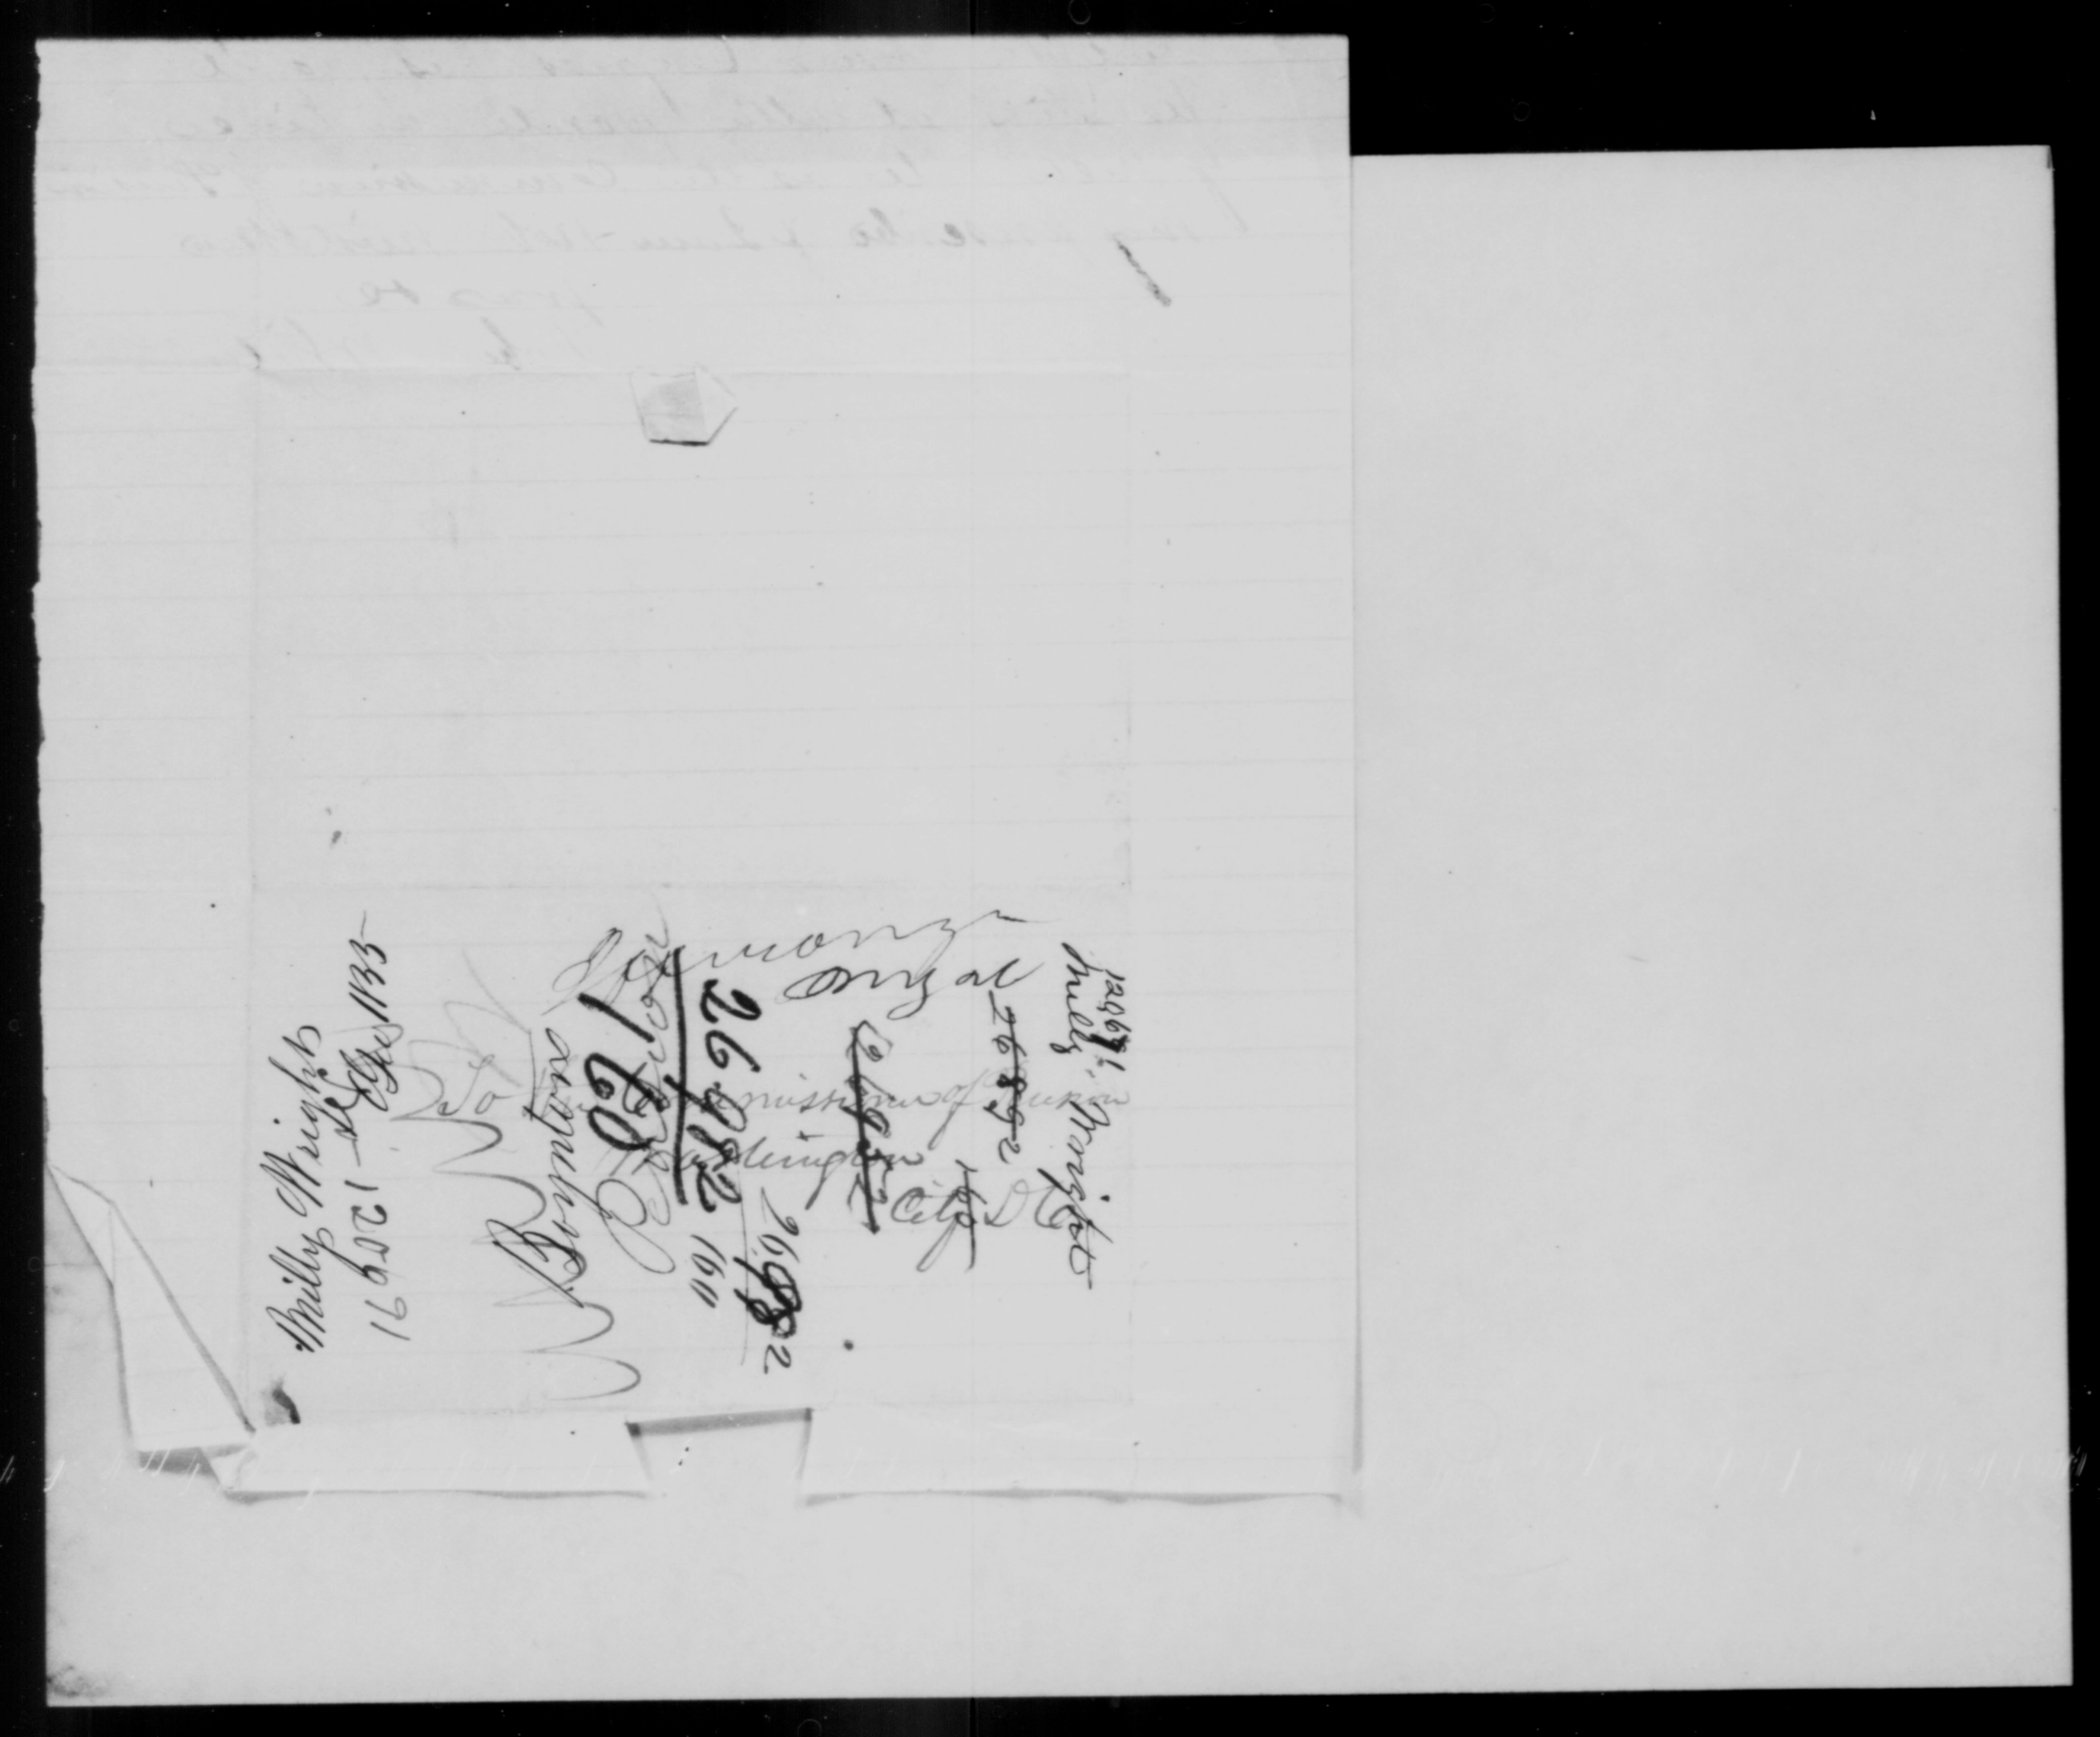120,691
Milly Wright

[crossed out: 26892, 60, 16952]

26982/160 16"
Ga 1133

Boynton

[Illegible, two lines]

To Hn Commisioner of Pension
Washington
City DC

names: Milly Wrights, Boynton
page: 49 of 81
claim: widow's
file: W. 5183, Bolling Wright, Va.